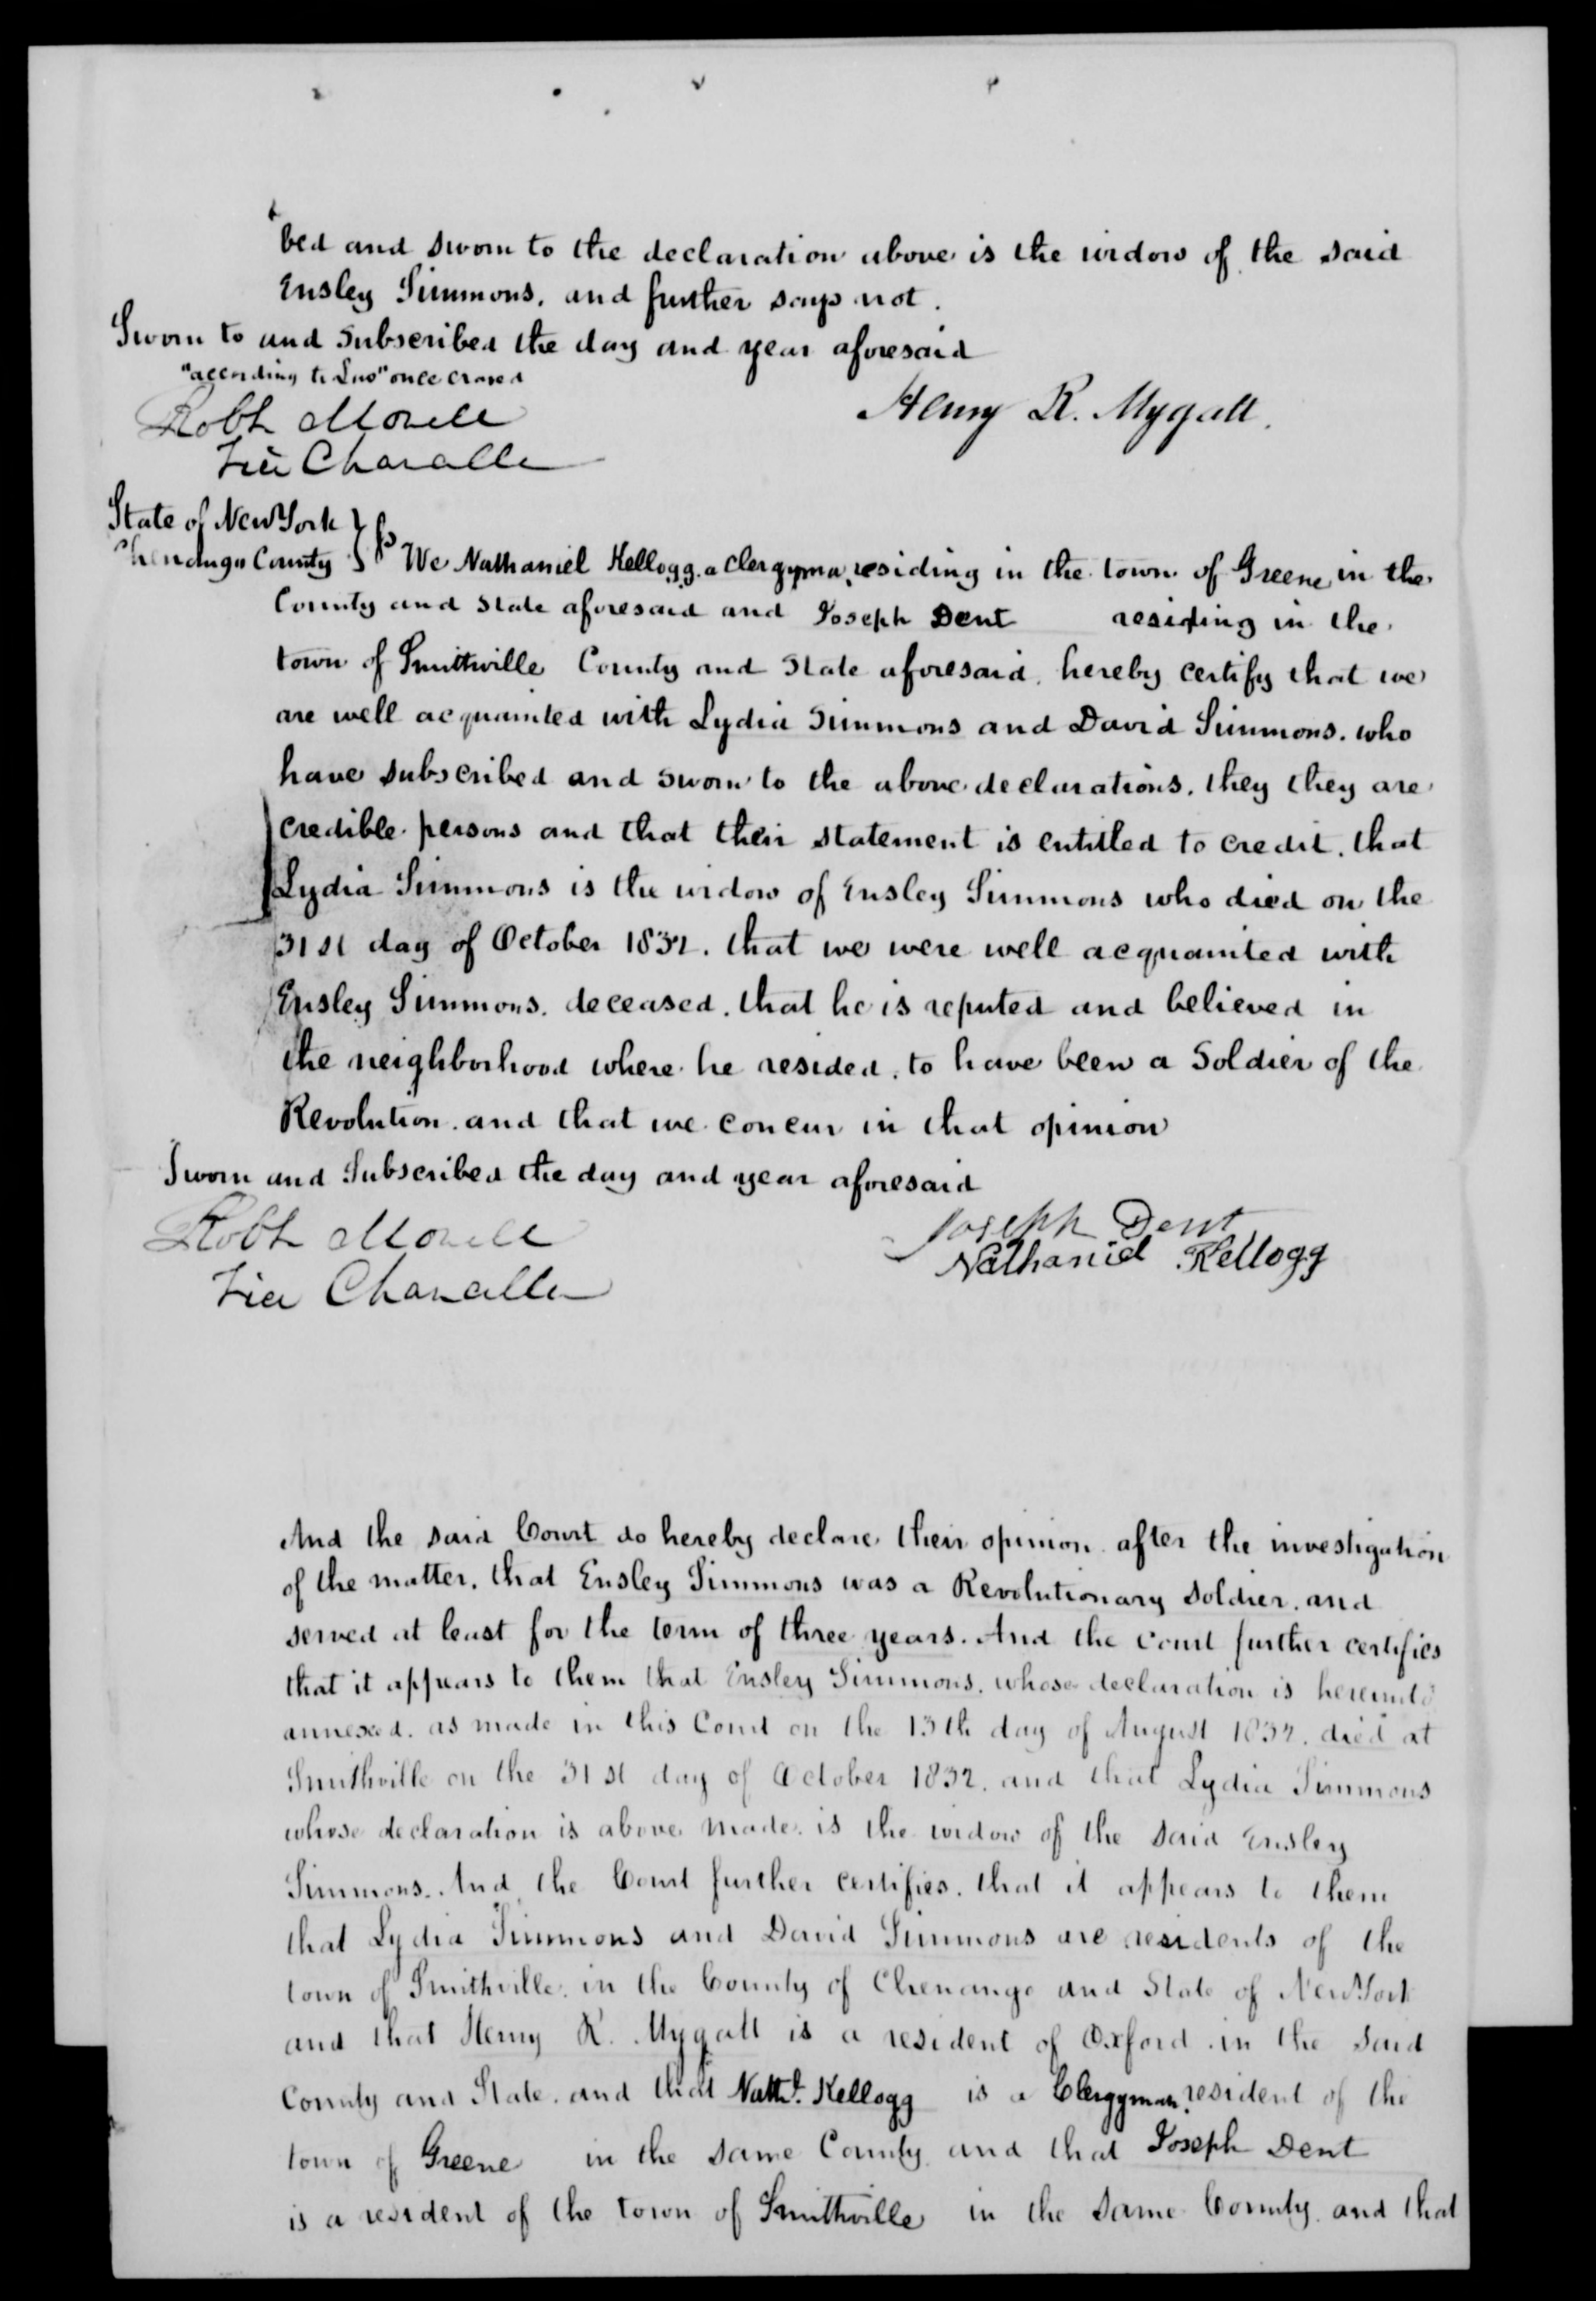bed and sworn to the declaration above is the widow of the said
Ensley Simmons, and further says not
Sworn and subscribed the day and year aforesaid

"according to us one" one erased 
Rob L Morrell
Vice Chancellor
[signed] Henry R. Mygatt

State of New York
Chenango County We Nathaniel Kellogg,a  Clergyman residing in the town of Greene in the  County and State aforesaid and Joseph Dent residing in the town of Smithville County and State aforesaid, hereby certify that we
are well acquainted with Lydia Simmons and David Simmons, who
have subscribed and sworn to the above declarations, they they are
credible persons and that their statement is entitled to credit, that
Lydia Simmons is the widow of Ensley Simmons who died on the
31st day of October 1832. that we were well acquainted with
Ensley Simmons, deceased, that he is reputed and believed in
the neighborhood where he resided to have been a soldier of the Revolution, and that we concur in that opinion
Sworn and subscribed the day and year aforesaid
Rob L Morrell
Vice Chancellor
[signed] Joseph Dent
[signed] Nathaniel Kellogg

And the said Court do hereby declare their opinion after the investigation
of the matter, that Ensley Simmons was a Revolutionary soldier and
served at least for the term of three years. And the Court further certifies
that it appears to them that Ensley Simmons, whose declaration is hereunto
annexed as made in this Court on the 13th day of August 1832, died at
Smithville on the 31st day of October 1832 and that Lydia Simmons
whose declaration is above made is the widow of the said Ensley
Simmons, And the Court further certifies that it appears to them
that Lydia Simmons and David Timmons are residents of the
Town of Smithville in the County of Chenango and State of New York
and that Henry R. Mygatt is a resident of Oxford in the said
County and State and that Nathaniel Kellogg is a Clergyman resident of the
town of Greene in the same County and that Joseph Dent
is a resident of the town of Smithville in the same County and that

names: Nathaniel Kellogg; Lydia Simmons; Robt Morrell; Robt Morrell; Lydia Simmons; Ensley Simmons; Ensley Simmons; Joseph Dent; Joseph Dent; Ensley Simmons; Henry R Mygatt; David Simmons; Nathl Kellogg; Ensley Simmons; Ensley Simmons; Nathaniel Kellogg; Ensley Simmons; Joseph Dent; Lydia Simmons; David Simmons; Lydia Simmons; Henry R Mygatt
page: 6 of 29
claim: widow's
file: W. 19,032, for Ensley Simmons, New York